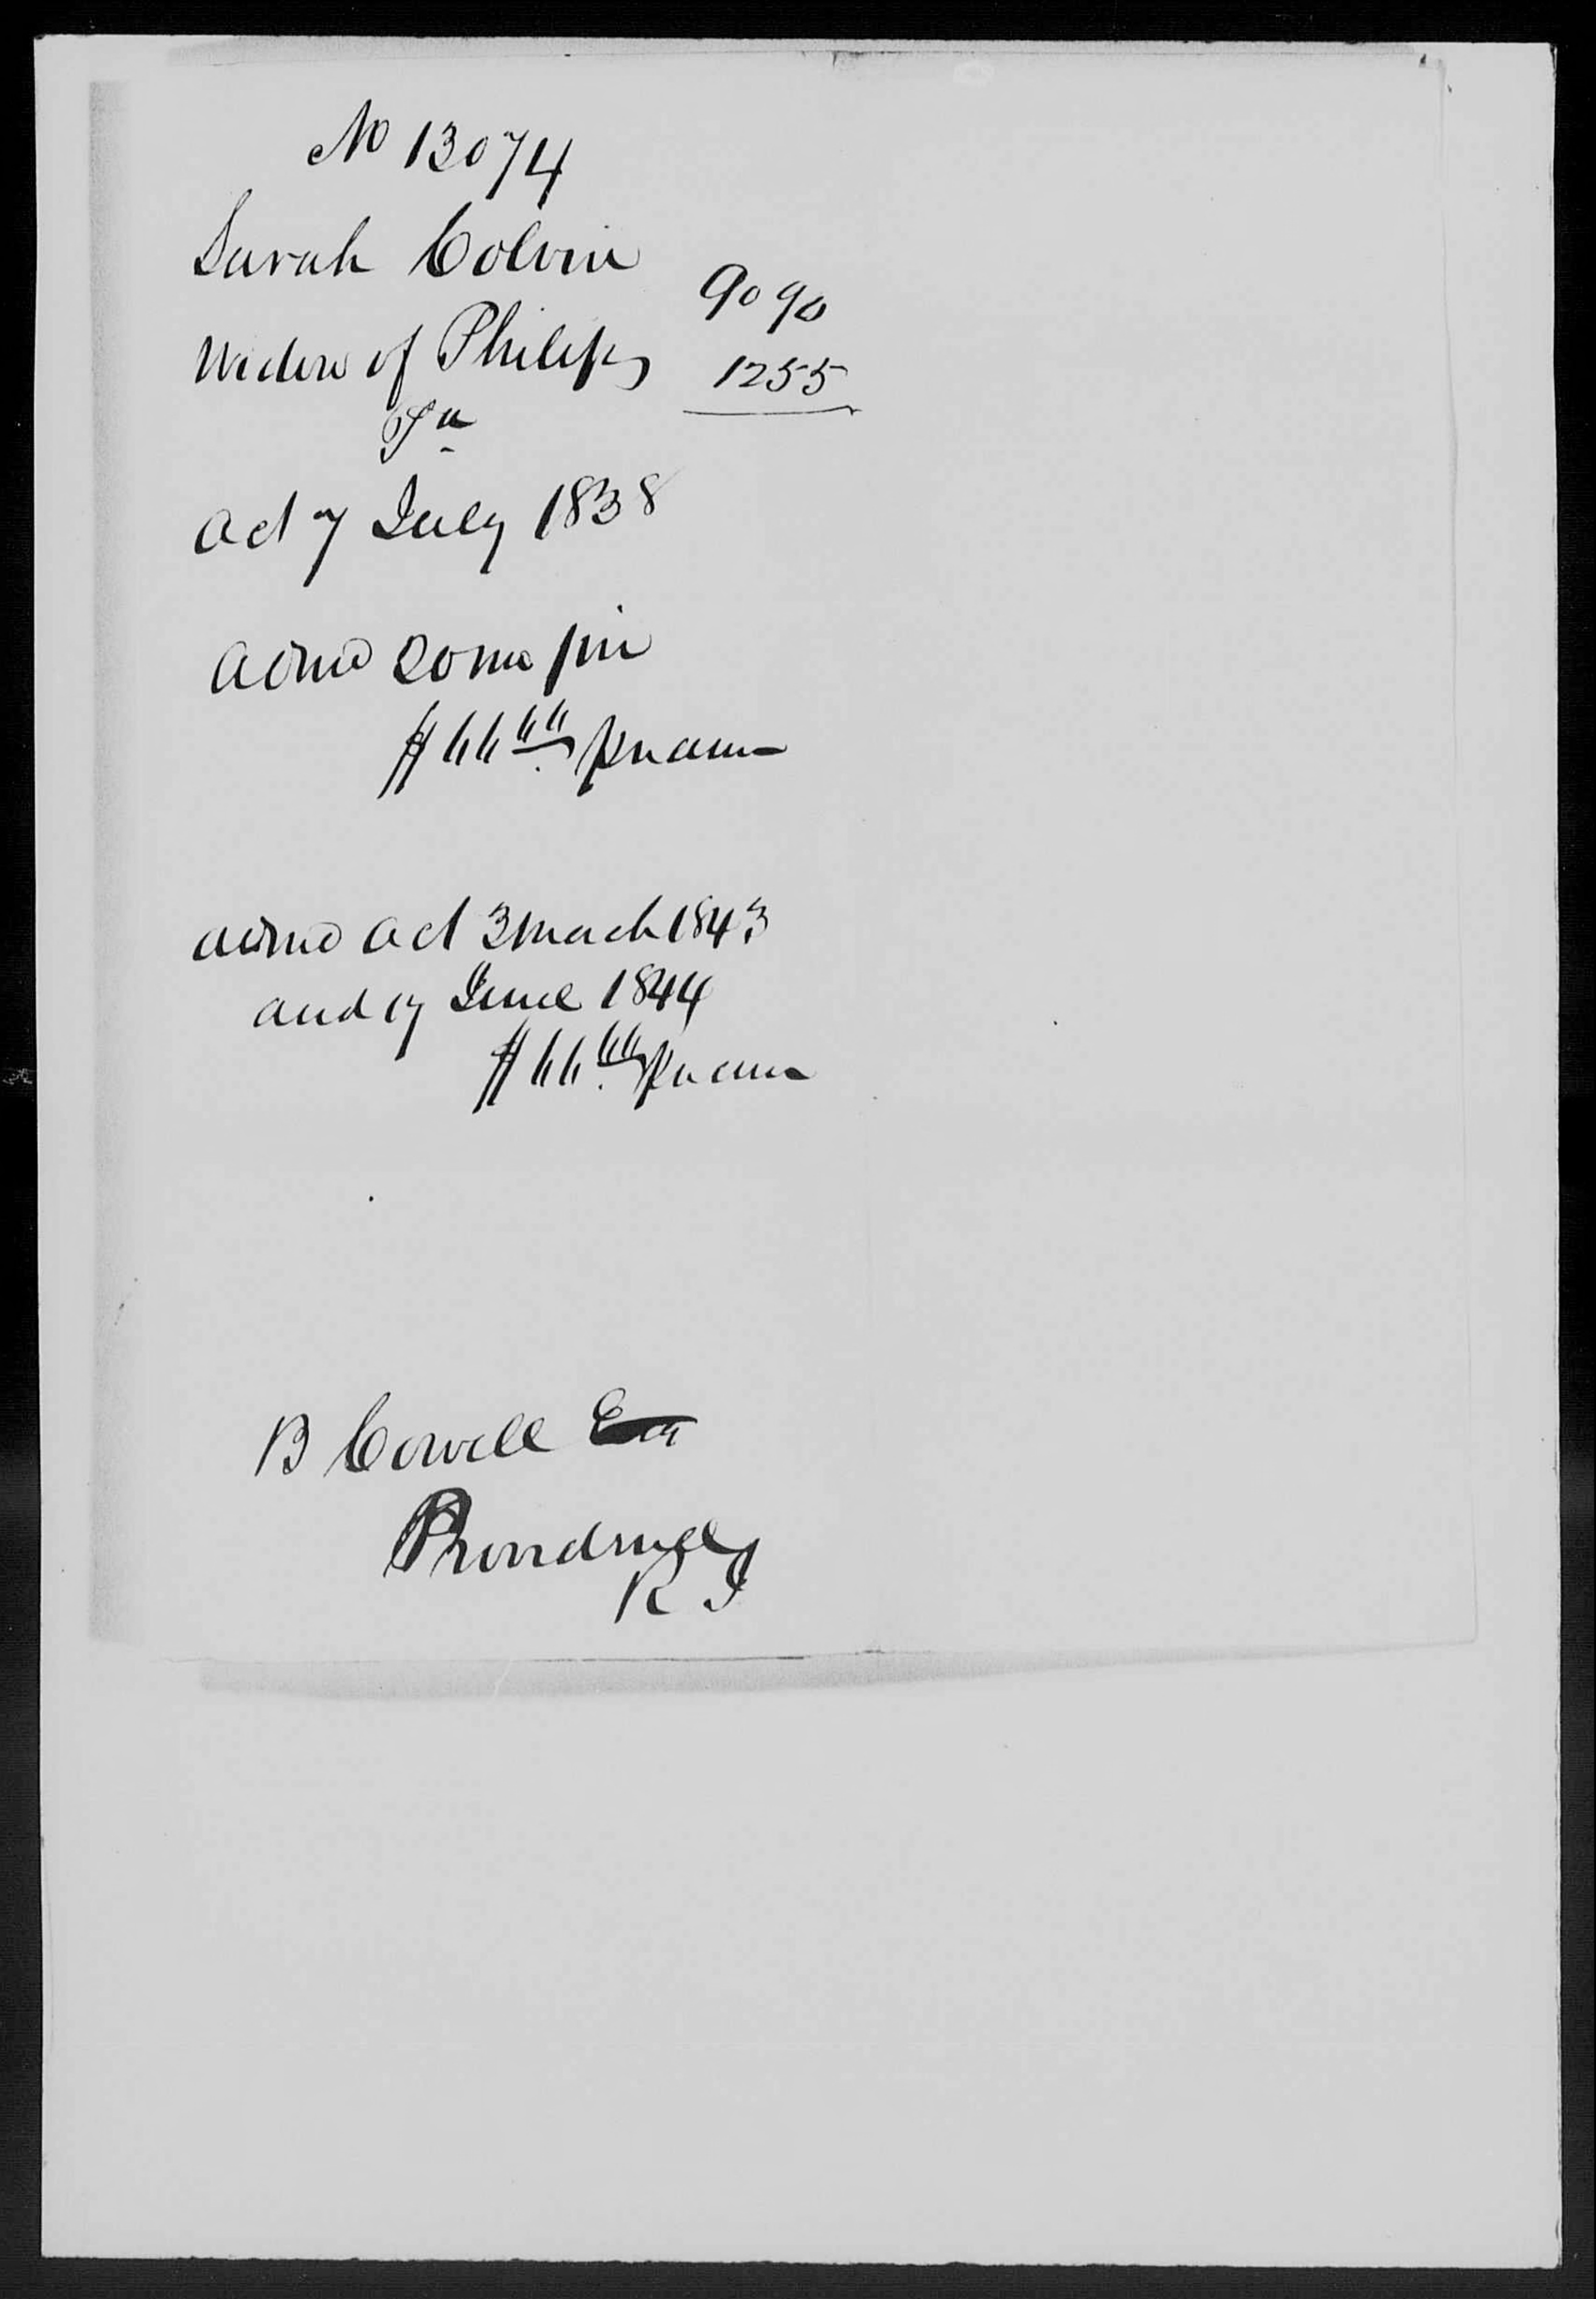No 13075
Sarah Colvin widow of Philip
of a
Act 7 July 1838
[illegible] [illegible] [illegible]
$66.66 annum
[illegible] Act 3 March 1843 and 17 June 1844
$66.66 [illegible]
B. Cowell Esq
Providence R I

9090
1255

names: Sarah Colvin, Philip Colvin, B Cowell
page: 25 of 41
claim: widow's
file: W. 3513, Philip Colvin, R.I.